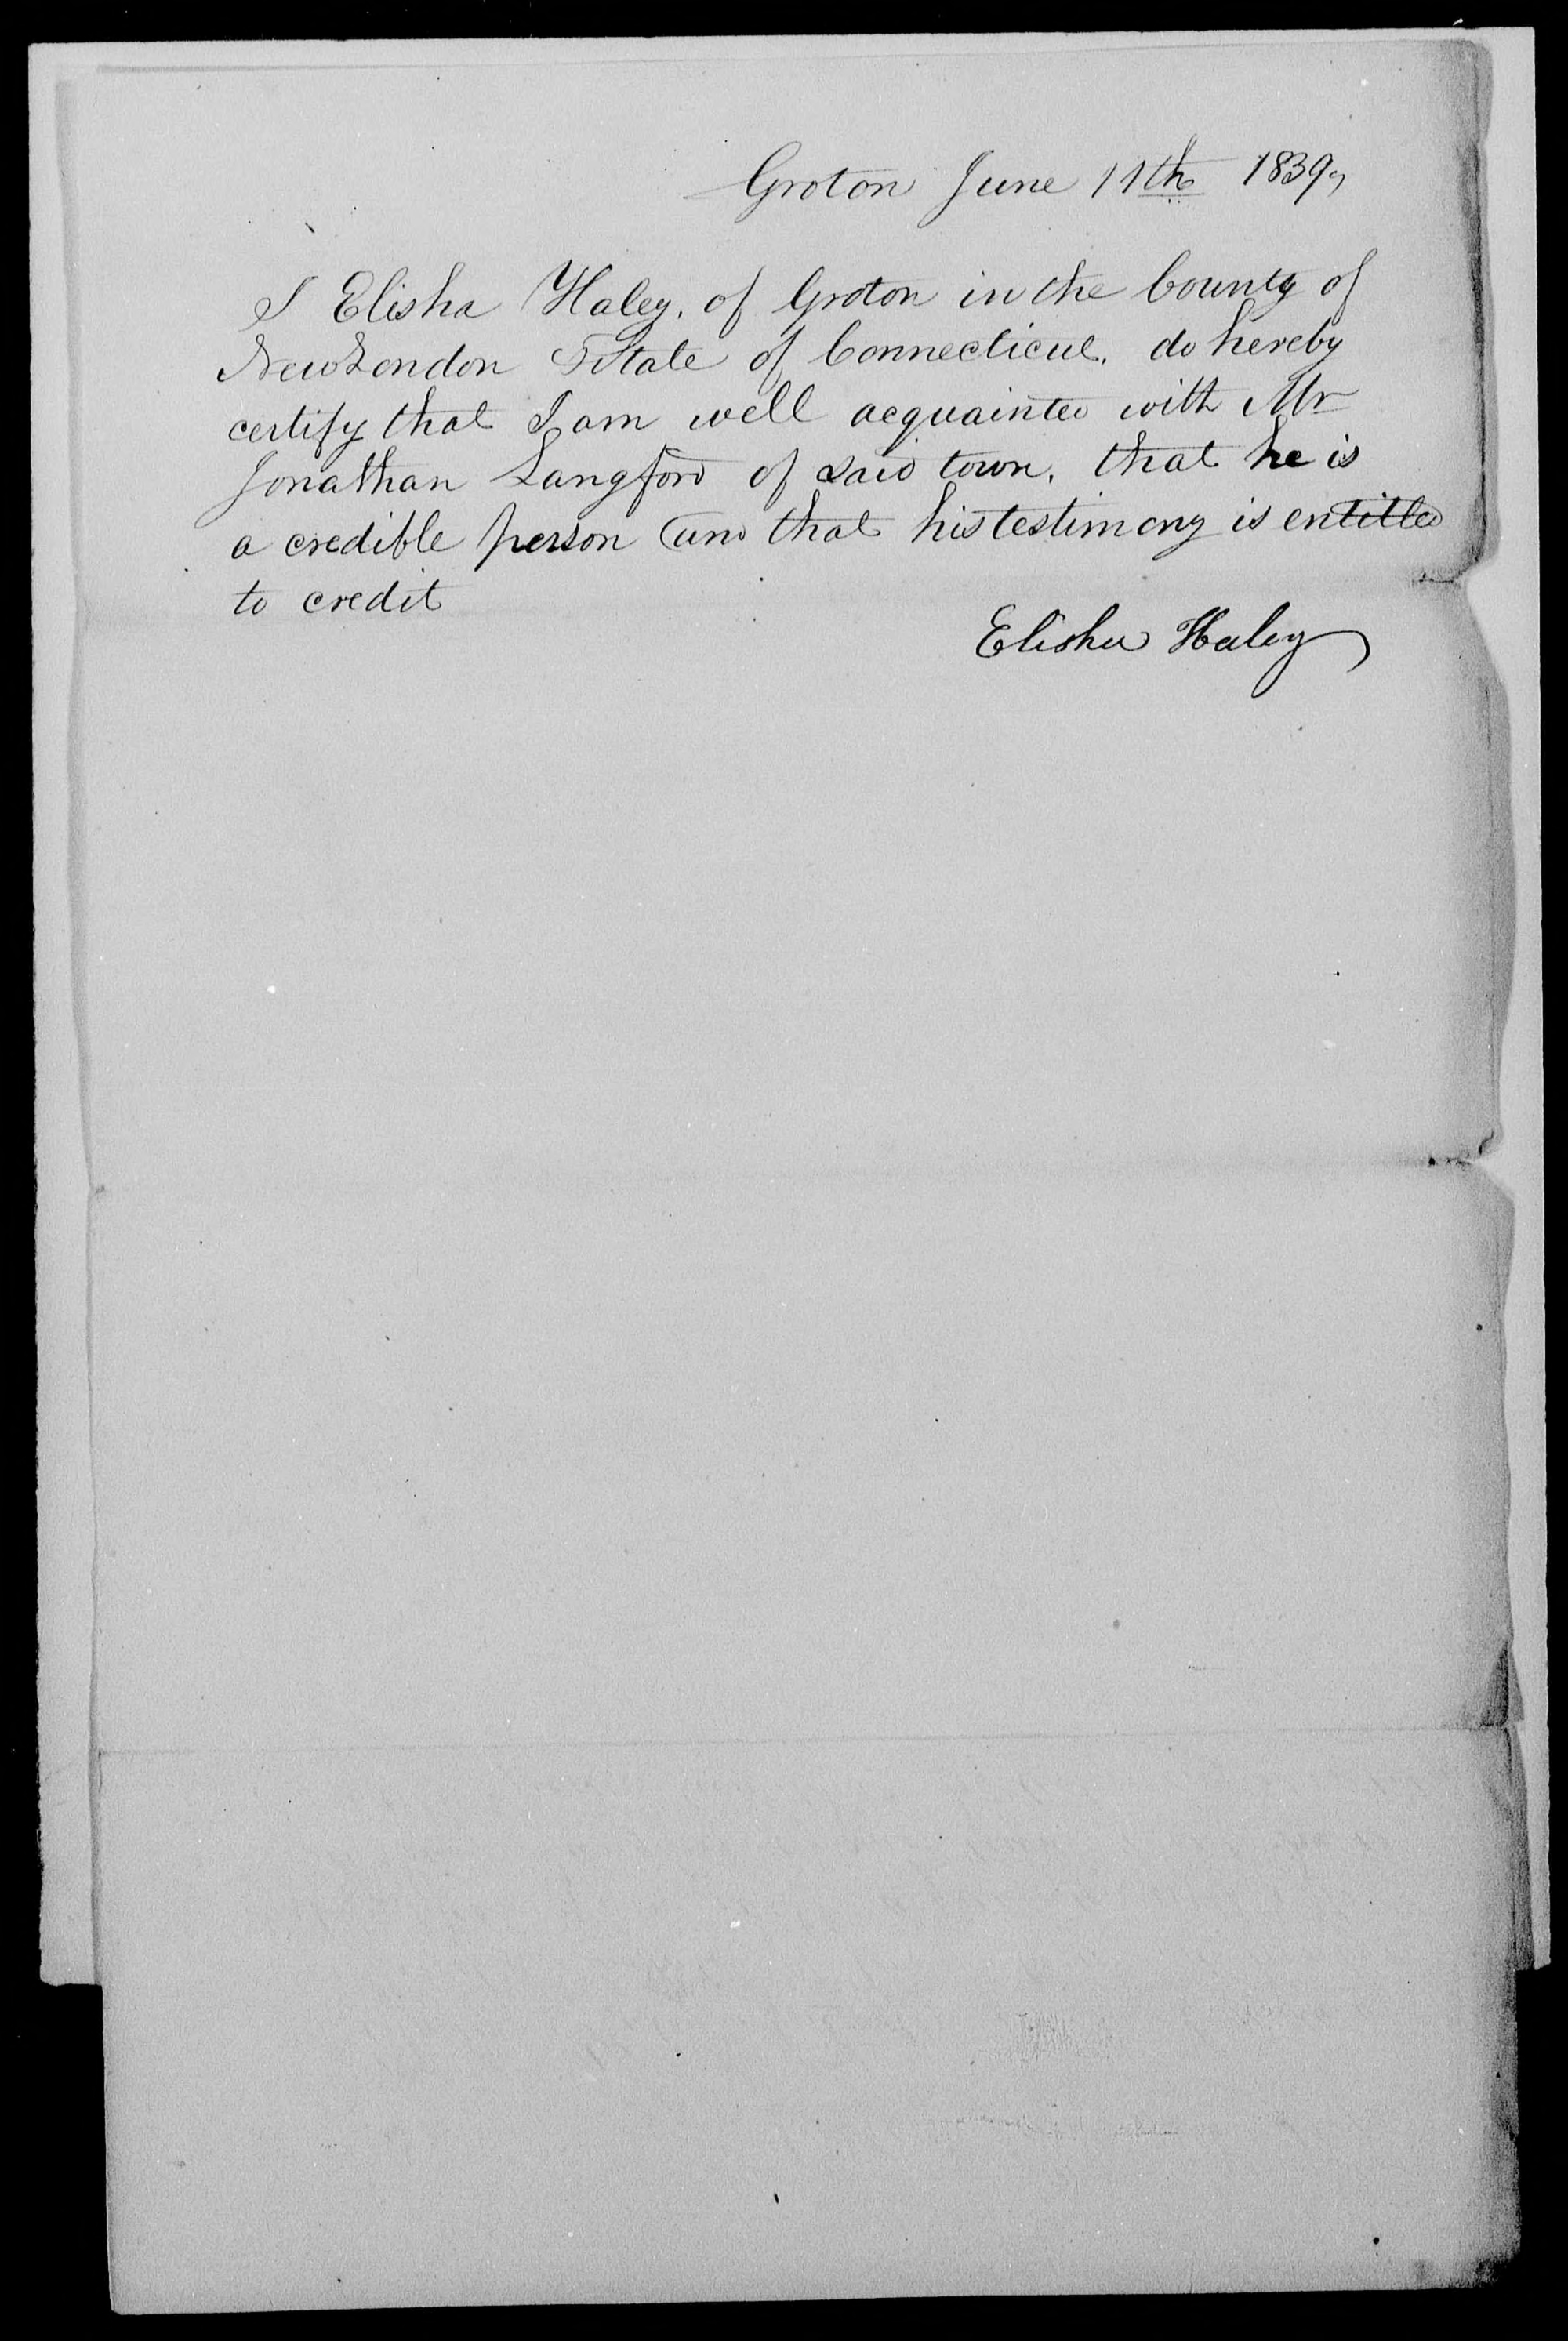Groton June 11th 1839
I Elisha Haley, of Groton in the county of New London & state of Connecticut, do hereby certify that I am well acquainted with Mr. Jonathan Langford of said town, that he is a credible person and that his testimony is entitled to credit.
Elisa Haley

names: Elisha Haley, Elisha Haley, Jonathan Langford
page: 22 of 48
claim: widow's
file: W. 17,628, Arnold Clarke, R.I.